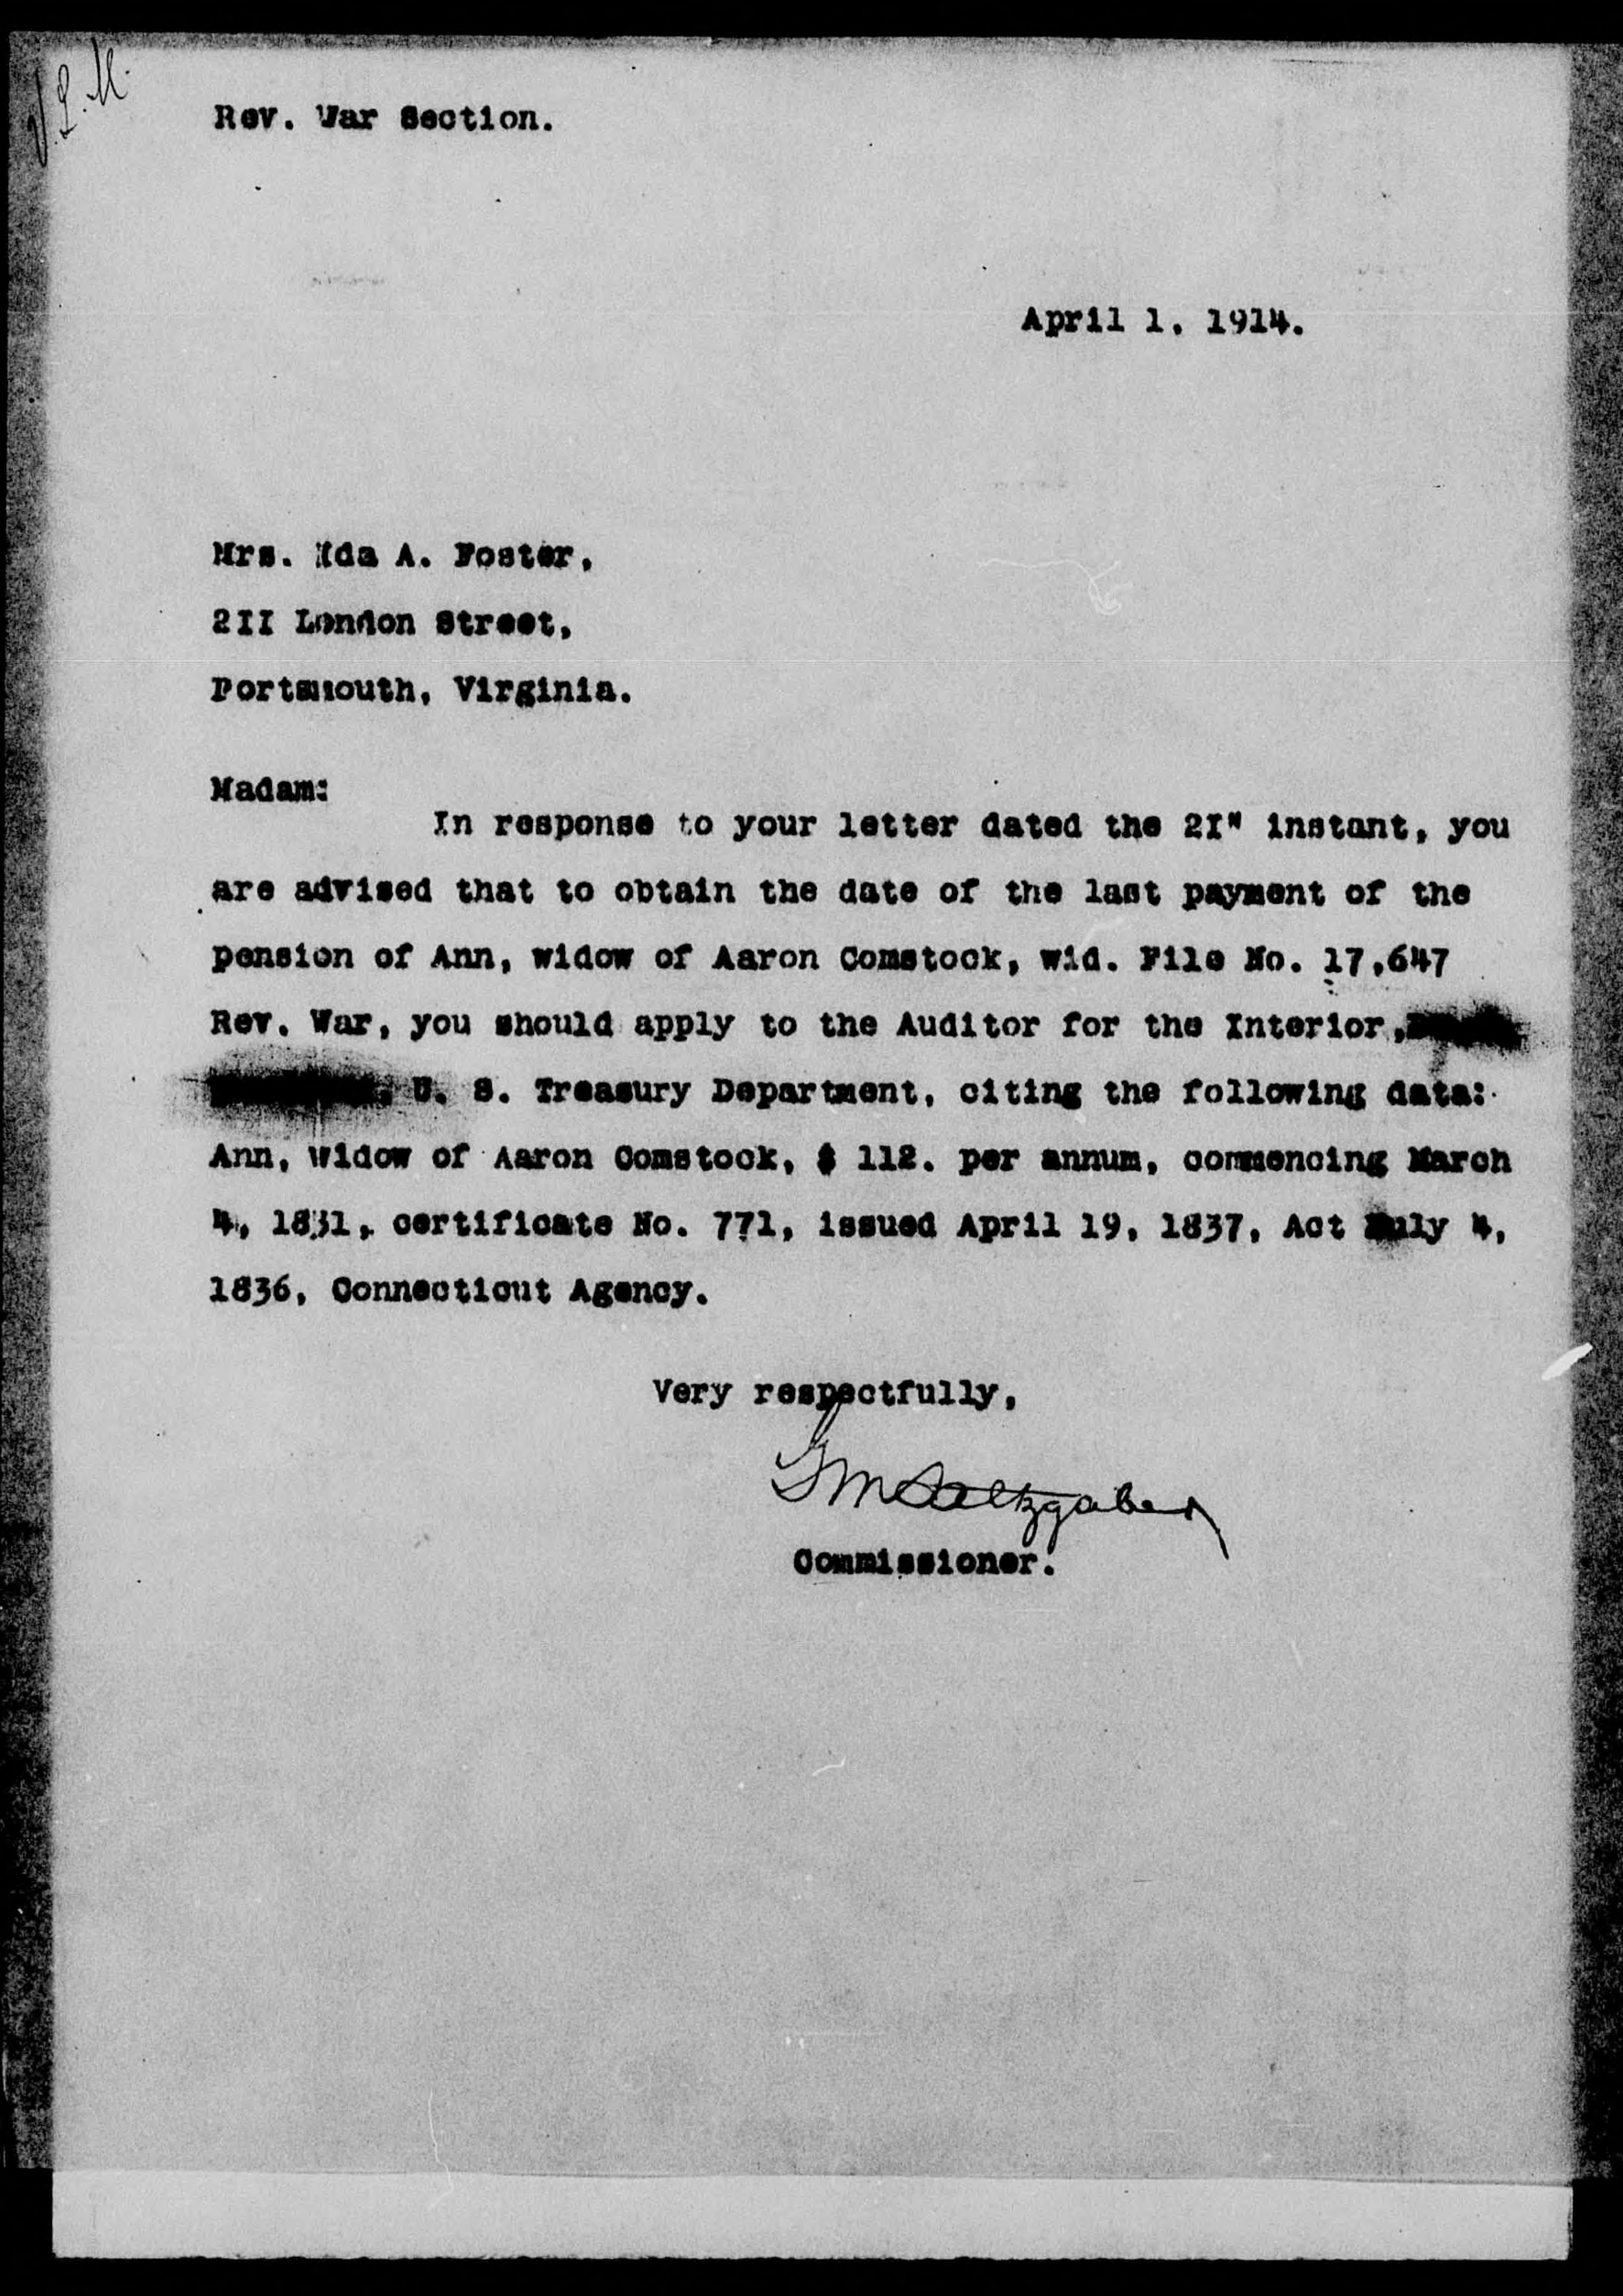V.L.K.
Rev. War Section.

April 1. 1914.

Mrs. Ida A. Foster,
211 London Street,
Portmsouth, Virginia.

Madam:
In response to your letter dated the 21" instant, you are advised that to obtain the date of the last payment of the pension of Ann, widow of Aaron Comstock, wid. File No. 17,647 Rev. War, you should apply to the Auditor for the Interior, [illegible] U. S. Treasury Department, citing the following data: Ann, widow of Aaron Comstock, $112. per annum, commencing March 4, 1831, certificate No. 771, issued April 19, 1837, Act July 4, 1836, Connecticut Agency.

Very respectfully,
G M Saltzgaber
Commissioner.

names: Ann Comstock, G M Saltzgaber, Aaron Comstock, Ann Comstock, Aaron Comstock, Ida A Foster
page: 15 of 43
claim: widow's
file: W. 17,647, Aaron Comstock, Conn.